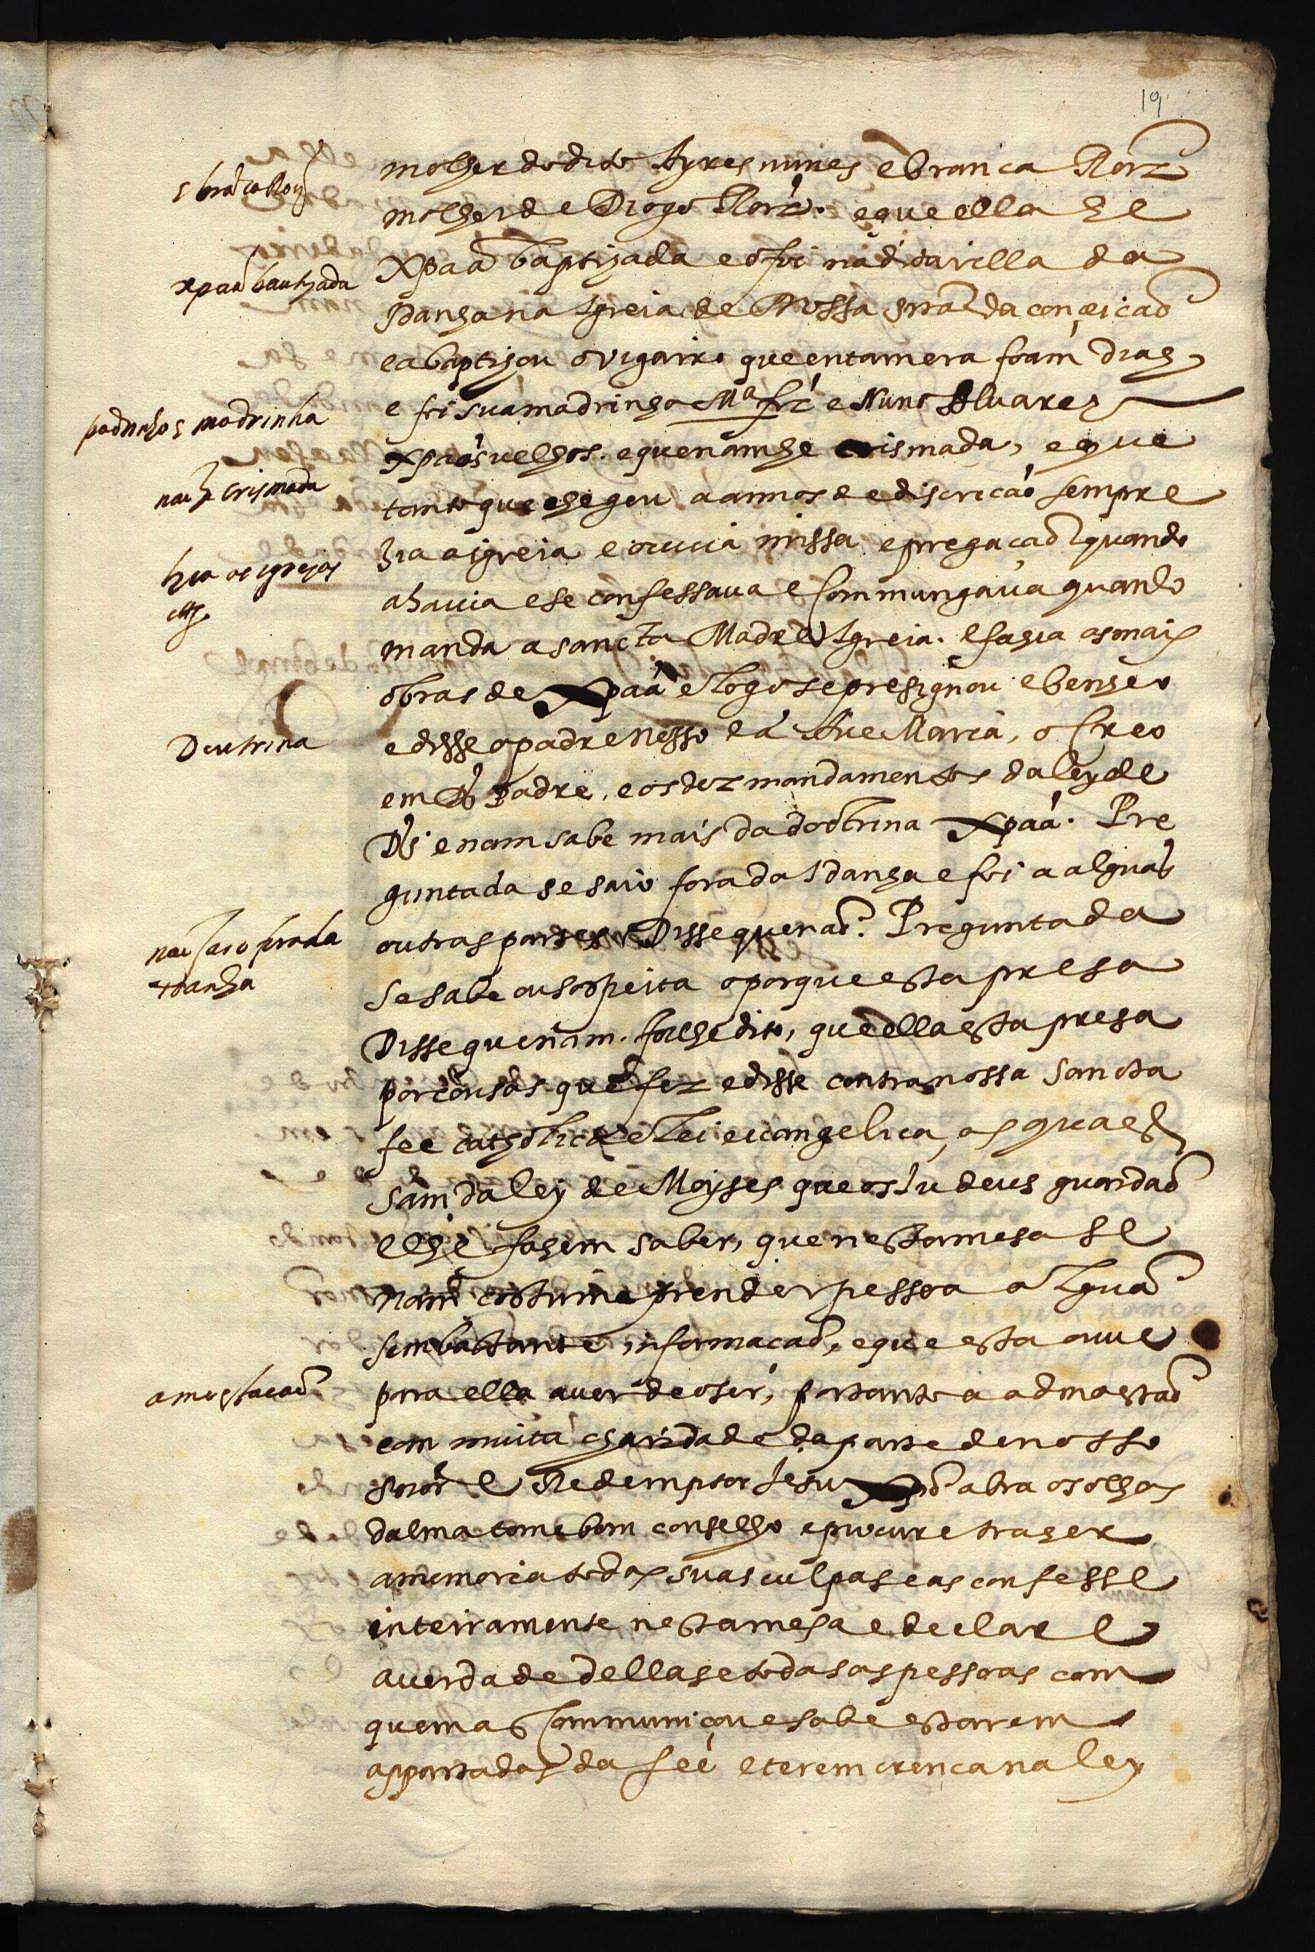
molher do dito Ayres nunes e branca Roiz̄
molher de Diogo Roiz̄. e que ella he
Xpaã baptizada e o foi na dita villa da
Idanha na Igreia de Nossa Snrā da conçeicaõ
e a baptizou o vigairo que entam era foam diaz
e foi sua madrinha Ma frz̄ e Nuno Aluares
Xpaõs uelhos. e que nam he c_ismada, e que
tanto que chegou a annos de discrecaõ sempre
hia a igreia e ouuia missa e pregaçaõ quando
a hauia e se confessaua e Commungaua quando
manda a sancta Madre Igreia. e fazia as mais
obras de Xpaã e logo se presignou e benzeo
e disse o padre nosso e á Aue Maria, o Creo
em Ds̄ Padre, e os dez mandamentos da ley de
Ds̄. e nam sabe mais da doctrina Xpaã. Pre
guntada se saio fora da Idanha e foi a alguas̄
outras partes Disse que naõ. Preguntada
se sabe ou sospeita o porque esta presa
Disse que nam. foi lhe dito, que ella esta presa
por cousas que fez e disse contra nossa sancta
fee catholica e Lei euangelica, as quaes
sam da ley de Moyses que os Iudeus guardaõ
e lhe fazem saber, que nesta mesa se
nam costuma prender pessoa aLguā
sem bastante informaçaõ, e que esta ouue
para ella auer de o ser, portanto a admoestaõ
com muita charidade da parte de nosso
snor̄ e Redemptor Jesu Xpō abra os olhos
dalma tome bom conselho e procure trazer
a memoria todas suas culpas e as confesse
inteiramente nesta mesa e declare
a uerdade dellas e todas as pessoas com
quem as Communicou e sabe estarem
appartadas da feé e terem crença na ley
